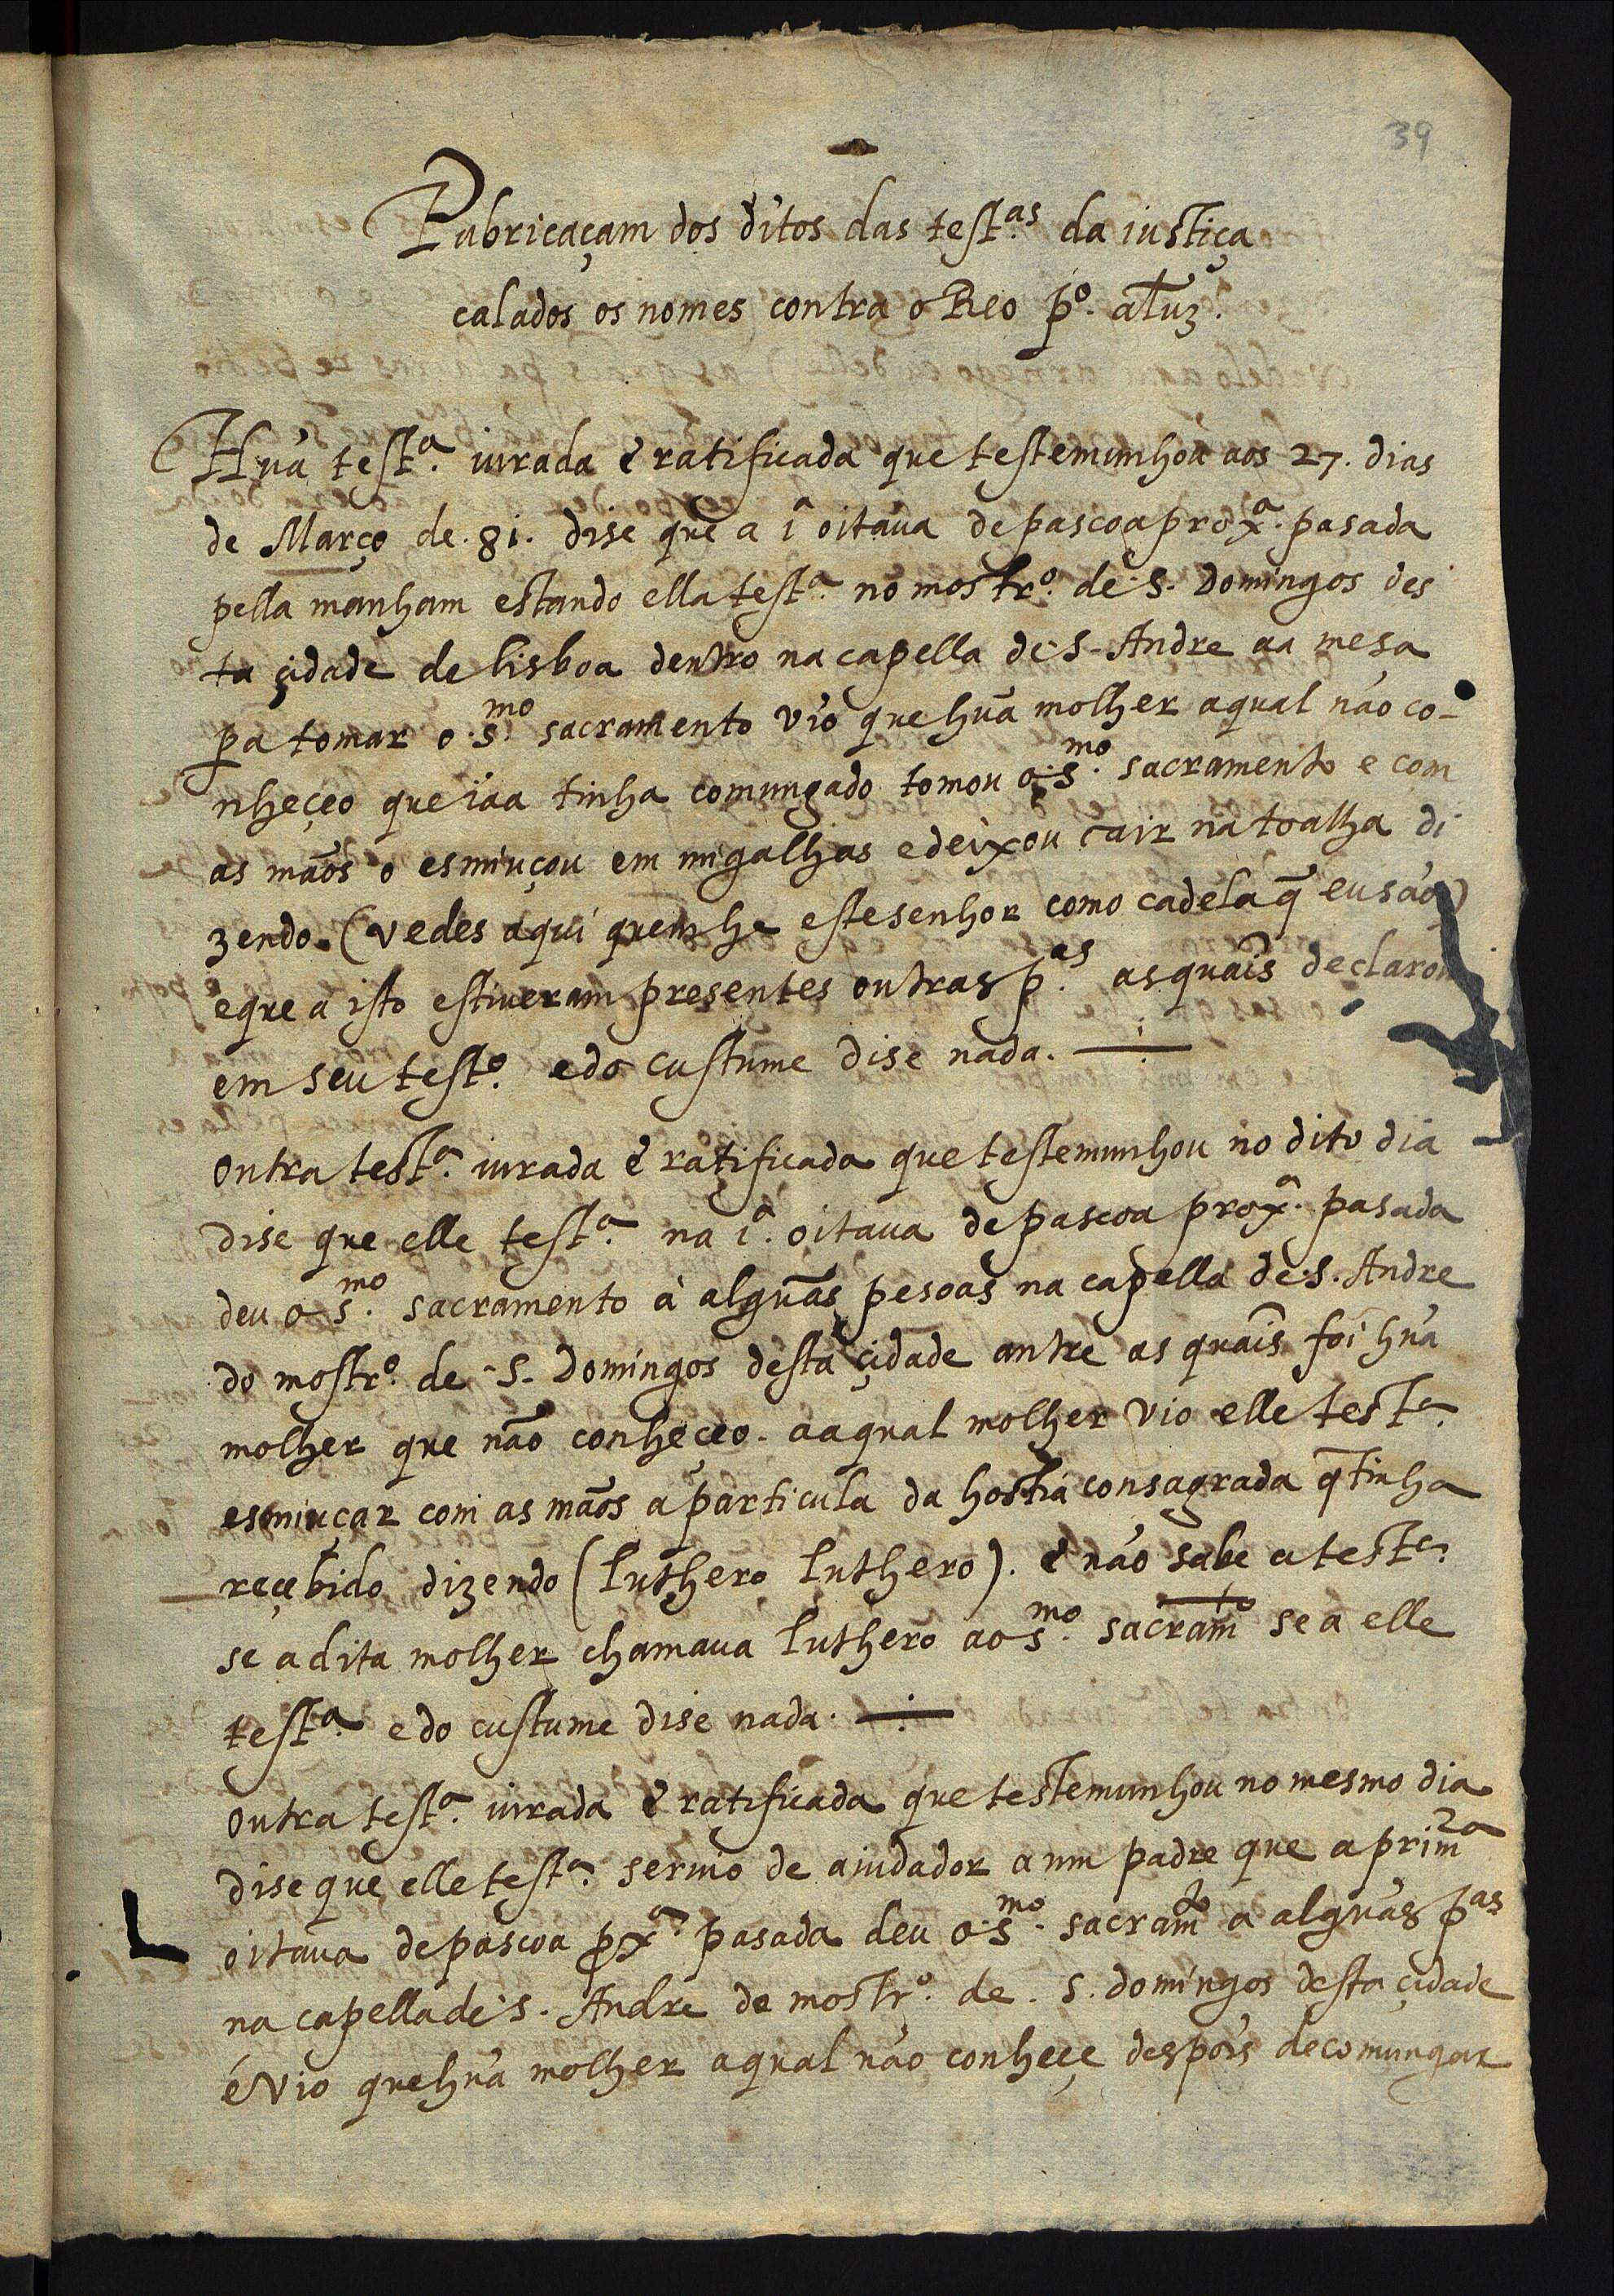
Pubricaçam dos ditos das test.as da iustiça
calados os nomes contra o Reo po. al̄uz.
Huā testa. iurada e ratificada que testemunhou aos 27. dias
de Março de 8i dise que a 1a oitaua de pascoa proxa. pasada
pella manham estando ella testa. no mostro. de .S. Domingos des
ta çidade de lisboa dentro na capella de .S. Andre aa mesa
ꝑa tomar o .s.mo sacramento vio que huā molher a qual não co
nheçeo que iaa tinha comungado tomou o .smo. sacramento e com
as maõs o esmiuçou em migalhas e deixou cair na toalha di
zendo (vedes aqui quem he este senhor como cadela q̄ eu saõ)
e que a isto estiueram presentes outras pas. as quaīs declarou
em seu testo. e do custume dise nada.
outra test.a iurada e ratificada que testemunhou no dito dia
dise que elle testa. na 1a. oitaua de pascoa prox.a pasada
deu o smo. sacramento à alguās pesoas na capella de .S. Andre
do mostr.o de .S. Domingos desta çidade antre as quaīs foi huā
molher que não conheçeo aa qual molher vio elle testa.
esmiuçar com as maõs a particula da hostia consagrada q̄ tinha
reçebido dizendo (Luthero Luthero). e naõ sabe a testa.
se a dita molher chamaua Luthero ao smo. sacramto se a elle
testa. e do custume dise nada.
outra testa. iurada e ratificada que testemunhou no mesmo dia
dise que elle testa. seruio de aiudador a um padre que a primra
oitaua de pascoa ꝓxa. pasada deu o .smo. sacramto a alguās pas
na capella de .s. Andre do mostro. de s. domingos desta çidade
e vio que huā molher a qual não conheçe despois de comungar
